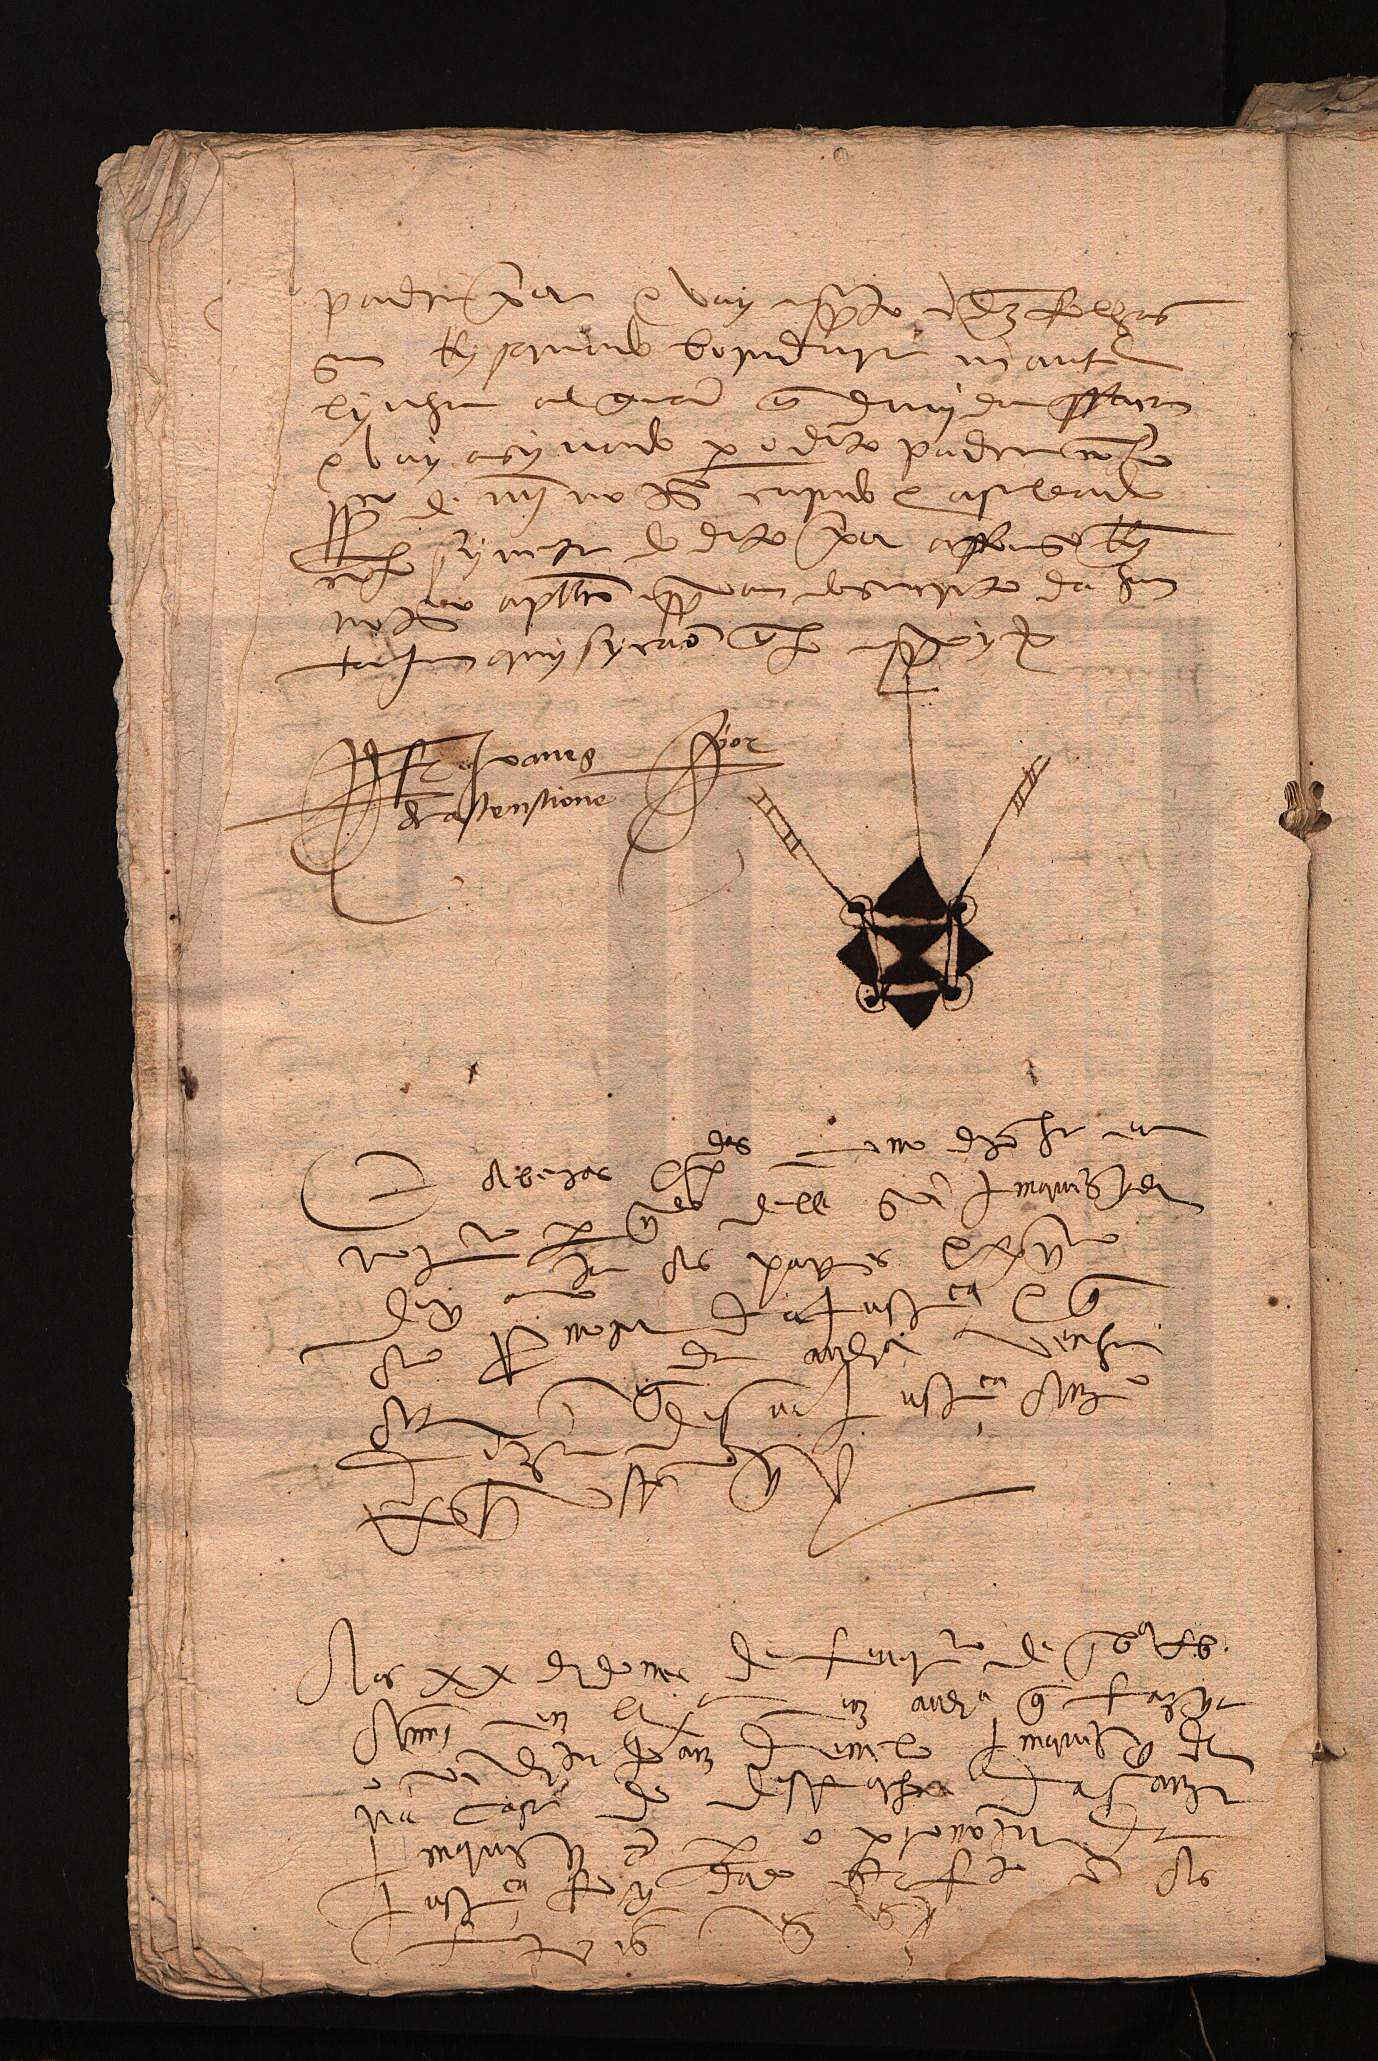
padre pior e vay esp̄to ē dez folhas
sem Rysquado boradura nē ant̄
lynha alguā q̄ duuyda ffaça
e vay asynado ꝑ o dito padre cō ho
ꝓpco de mj̄ notro çarado e asellado
cō ho synete do dito pior affonso Rōz
notro ap̄cllo esp̄vam do secreto da sam
ta Jmquysyção q̄ ho esp̄vy
Fr Joanes por
de ascensione
E Abetas e pdas como dito he eu
notro ꝑ m̄do delle sor̄ Jmquizydor
dey a vta As partes e pimro
Ao ꝓmotor da Justça e q̄
Ate segda audja venha
dizer de sua Justça Anto
RōJz o sp̄vy
Aos xx dj do mes de feuerro de j̄bc Rb
Annꝯ em lixa em audja q̄ fazya
o sor̄ dtor Joam de melo Jmquizydor
na casa do despacho da santa
Jmquesyçā ꝑ o promotor da
Justça foy dado este fto cō As
ftēes segtes
